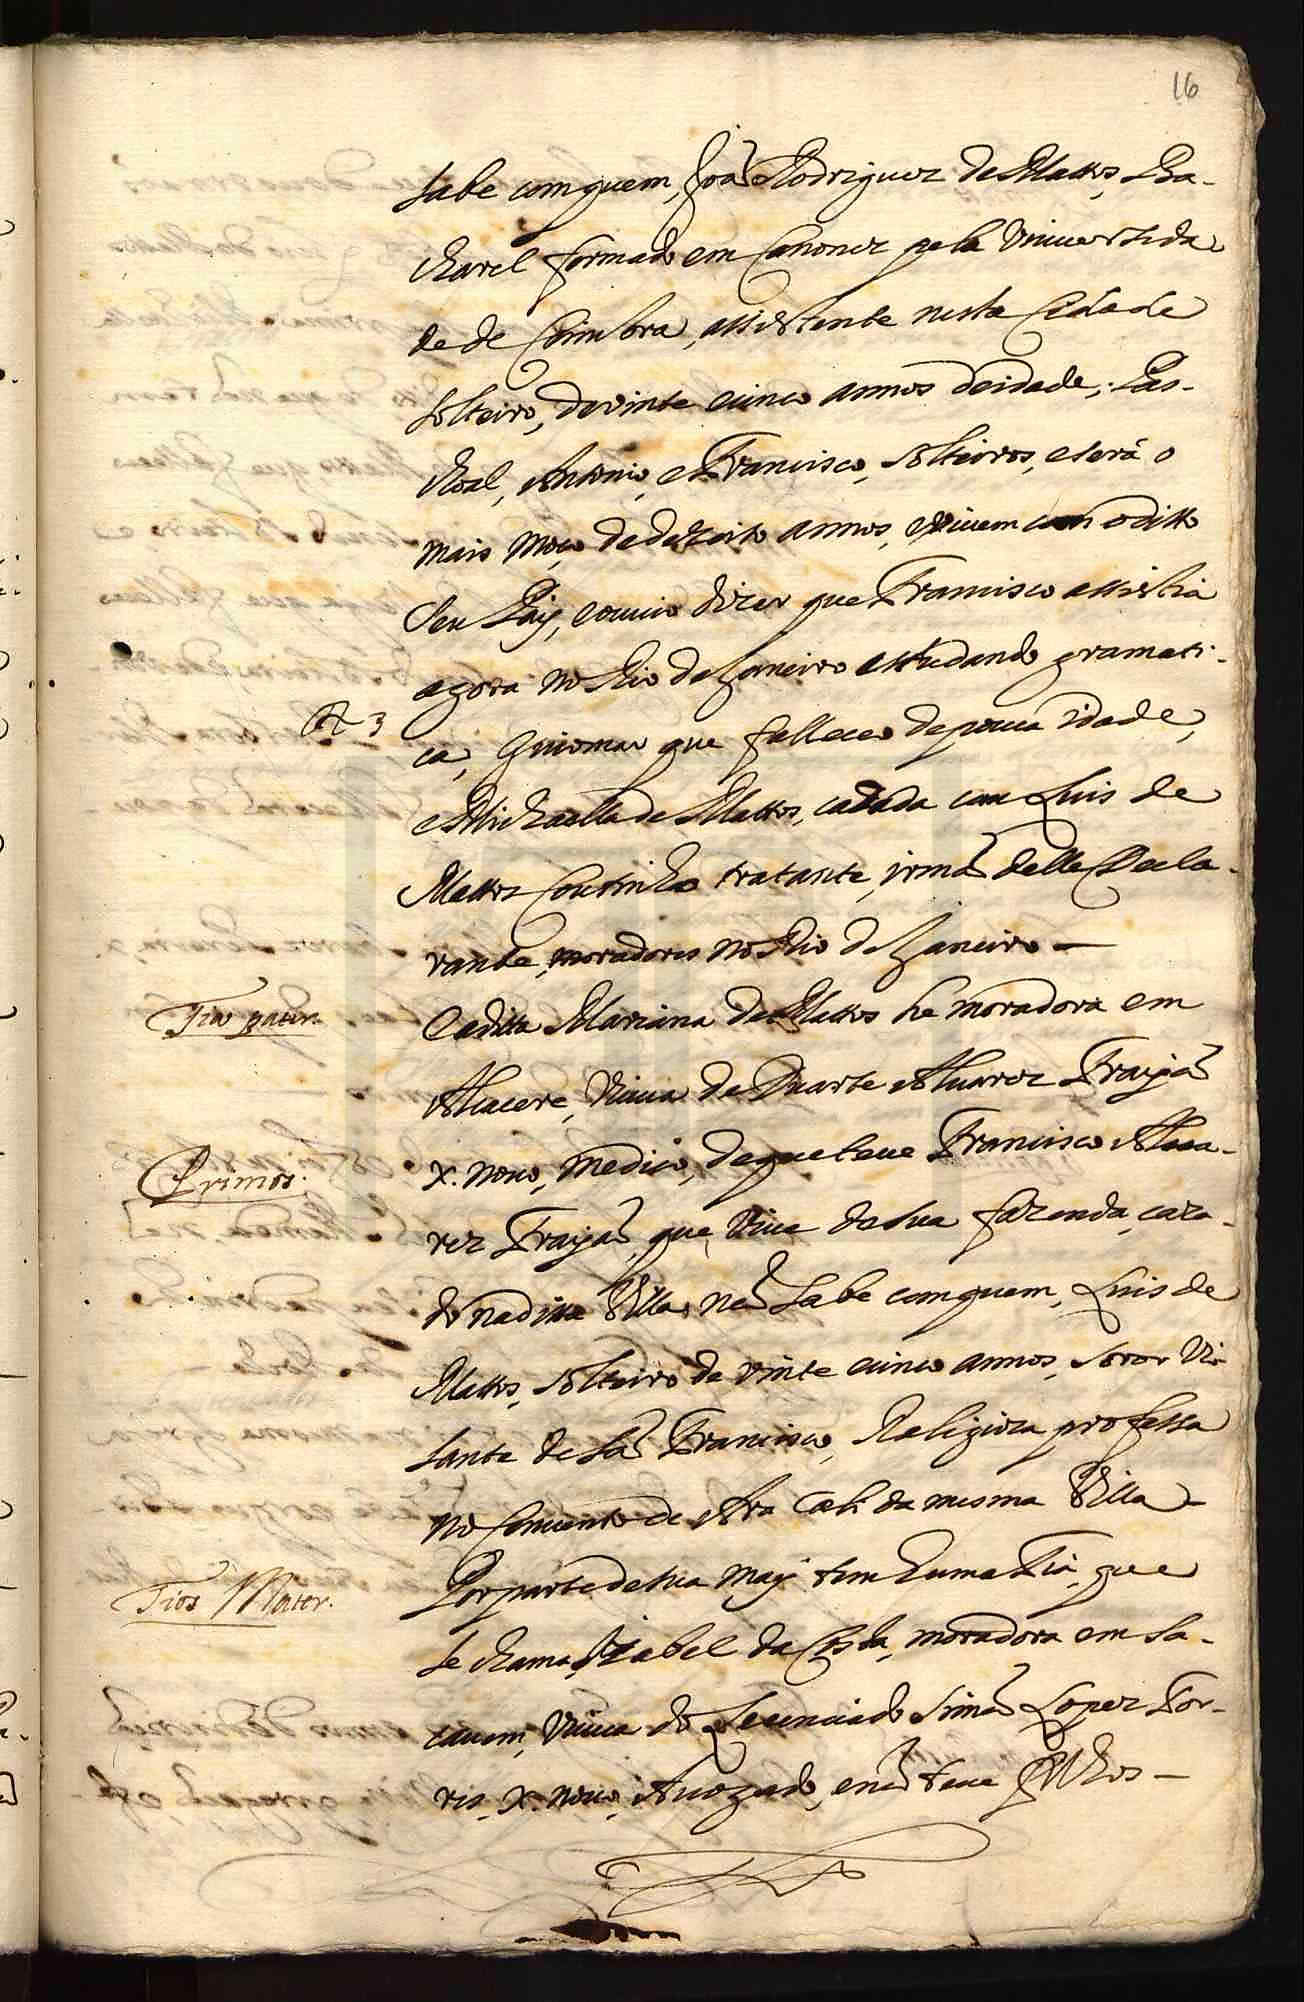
Sabe com quem, João Rodrigues de Mattos, Ba
charel formado em Canonez pela Vniuersida
de de Coimbra, assistente nesta Cidade
solteiro, de vinte e cinco annos de idade, Pas
choal, António, e Francisco, solteiros, e será o
mais moço de dezoito annos, e vivem com o ditto
Seu Pay, e ouuio dizer que Francisco assistia
agora no Rio de Janeiro estudando gramati
A 3
ca, Guiomar que falleceo de pouca idade,
e Michaella de Mattos, cazada com Luis de
Mattos Coutinho, tratante, irmão delle Decla
rante, moradores no Rio de Janeiro.
e a ditta Mariana de Mattos he moradora em
Tia pater.
Alcacere, Viuua de Duarte Alvarez Frayaõ
x. nouo, medico, de que teue Francisco Alva
Primos.
rez Frayaõ, que, vive de sua fazenda, caza
do na ditta Villa, naõ sabe com quem, Luis de
Mattos, solteiro de vinte cinco annos, soror Vio
lante de saõ Francisco, Religioza professa
no Convento de Ara Cœli da mesma Villa
Por parte de sua may tem huma Tia, que
Tios Mater.
Se chama Isabel da Costa, moradora em Sa
cauem, Viuua do Lecenciado simaõ Lopez Tor
res, x. nouo, Auogado, e naõ teve filhos
